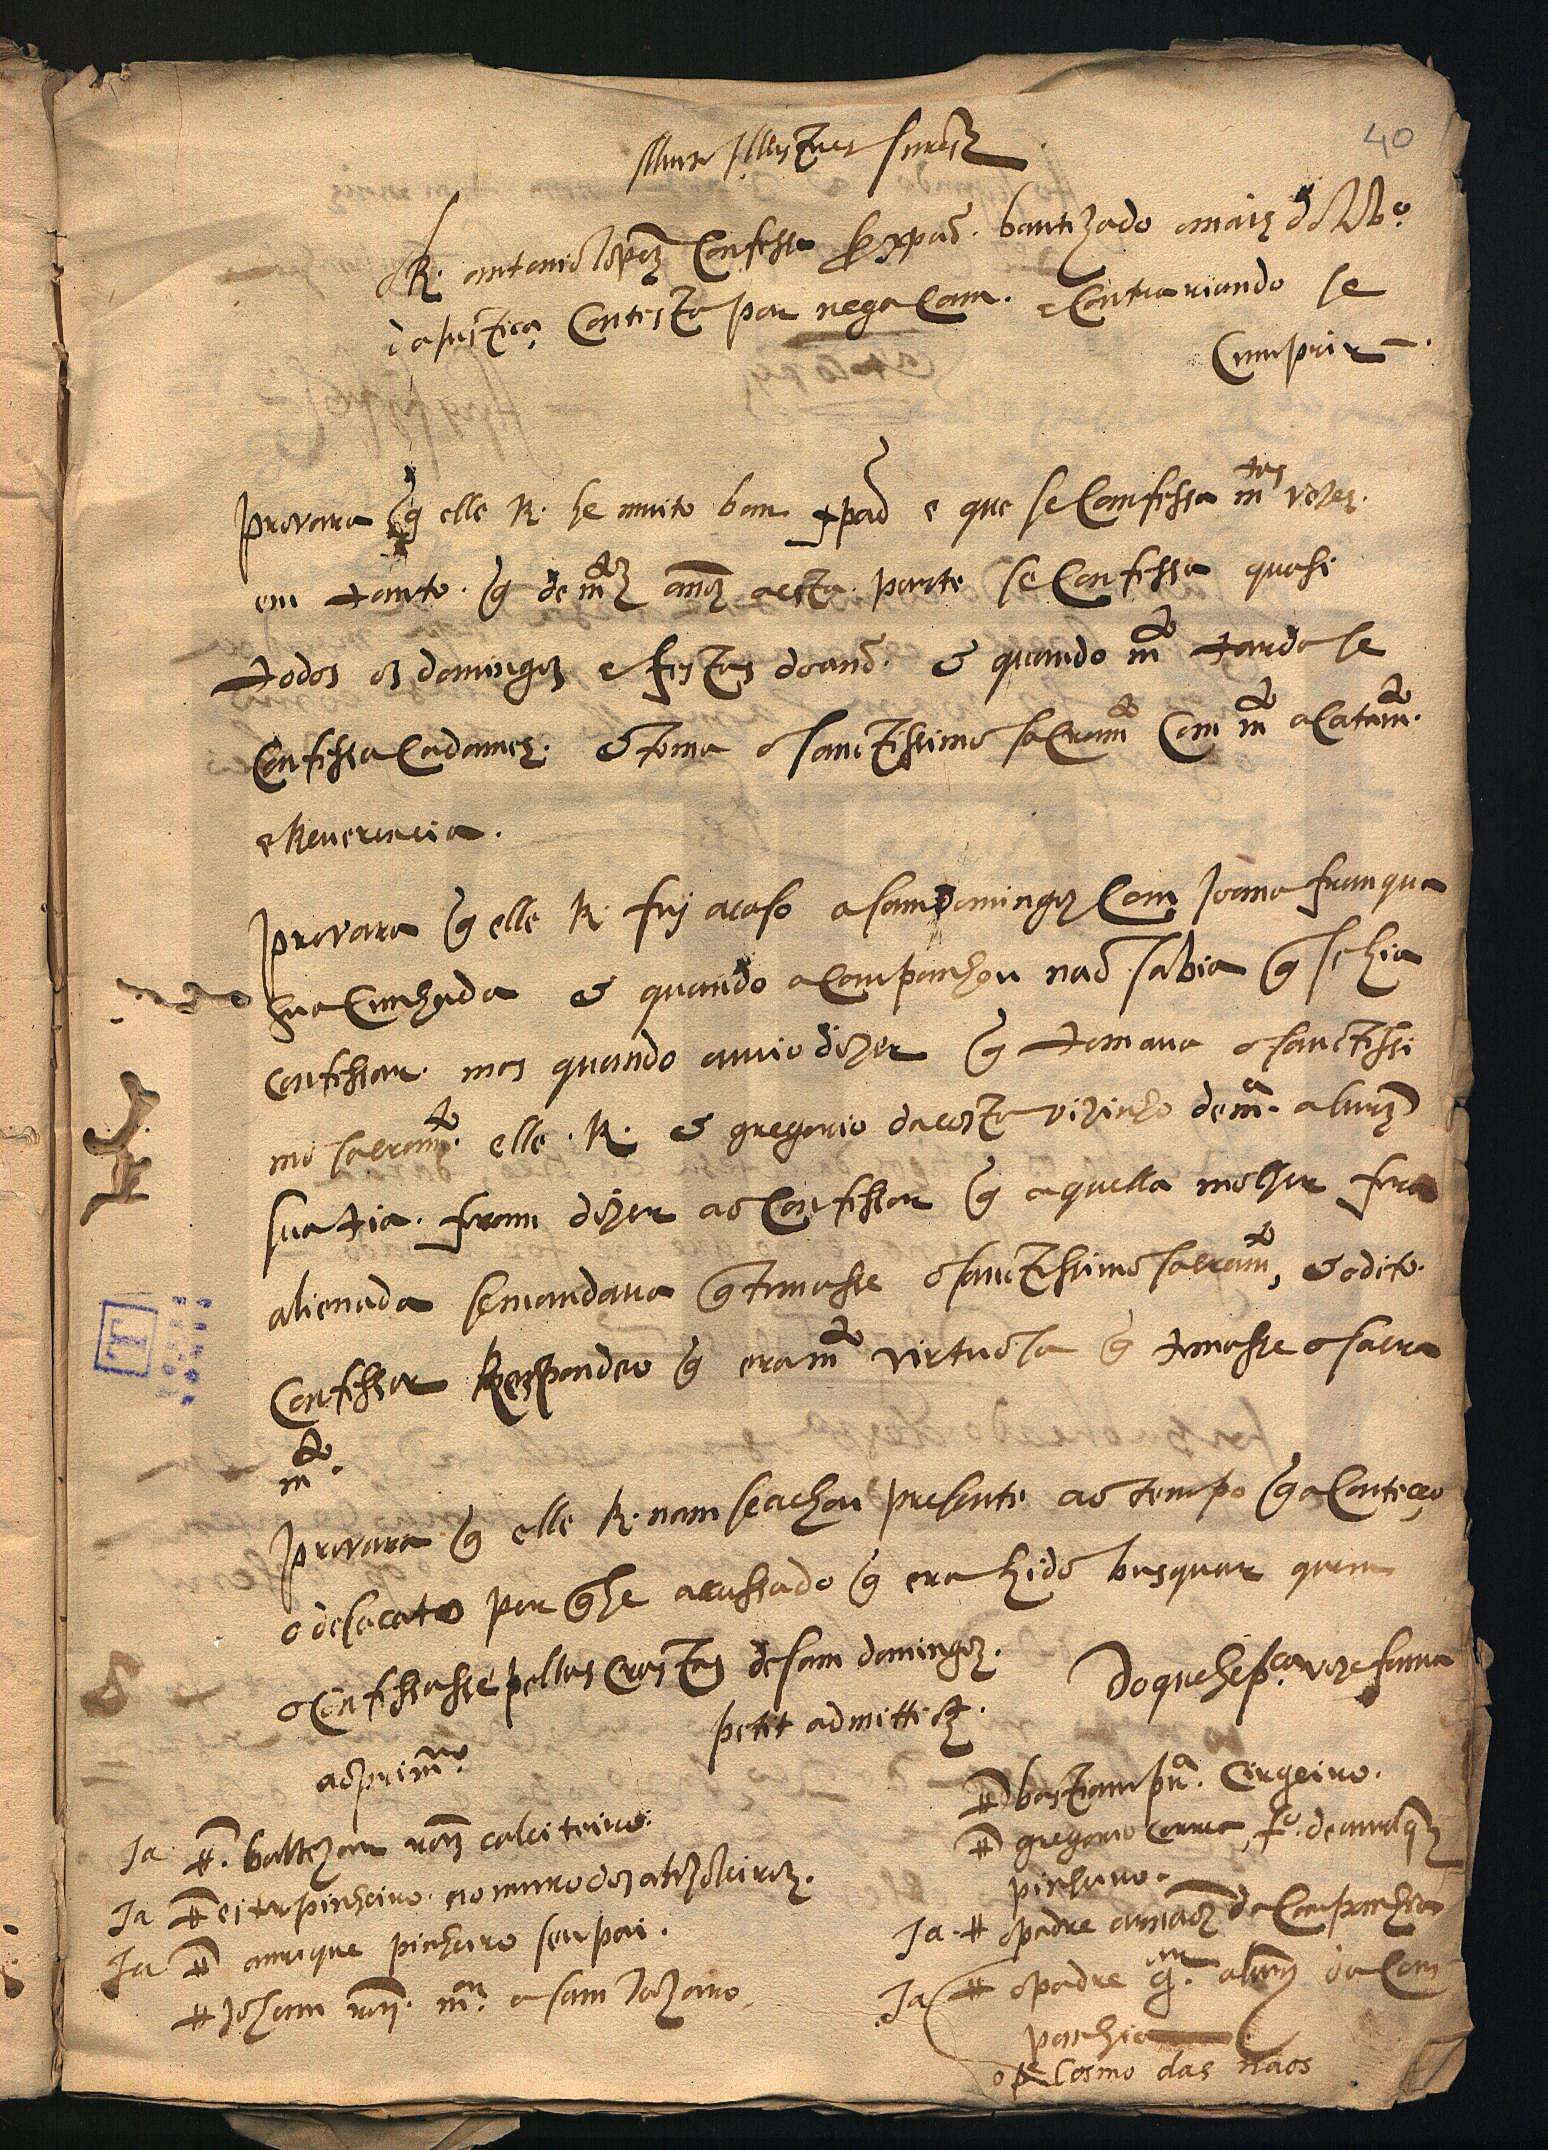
Muito Jllustres Snres̄
O R. antonio lopez Confessa ꞩ xpaõ bautizado o mais do lib.o
da Justiça Contesta por negaçam. E Contrariando se
Cumprir
Provara q̄ elle R. he muito bom xpão e que se Comfessa mtas vezes
em tamto q̄ de mtos anos a esta parte se Confessa quasi
todos os domingos e festas do ano. & quando mto tarda se
Confessa Cada mez: & toma o sanctissimo saCramto Com mto aCatamto.
e Reuerencia.
Provara q̄ elle R foy acaso a sam Domingos Com Joana franqua
sua Cunhada & quando aCompanhou naõ sabia q̄ se hia
confessar mas quando ouuio dizer q̄ tomaua o sanctissi
mo sacram.to elle .R. & gregorio da costa vizinho de ma. alur̄z
sua tia foram dizer ao Confessor q̄ aquella molher fora
alienada se mandaua q̄ tomasse o sanctissimo sacramto, & o dito
Confessor Respondeo q̄ era mto virtuosa q̄ tomasse o sacra
mto.
Provara q̄ elle R. nam se achou presente ao tempo q̄ aConteceo
o desacato por q̄ he accussado q̄ era hido busquar quem
o Confessasse pellas Crastas de sam domingos.
do que he p.ca voz e fama
petit admitti ct.
ao prim.ro
Ja item baltezam rōiz calciteiro.
Ja item eitor pinheiro. no muro dos atezoleiros.
Ja item anrique pinheiro seu pai.
item Joham rōiz. mor. a samtozoiro
item bastiam pra. Cirgeiro.
item gregorio Correa, fo. de anriq̄
pinheiro.
Ja item o padre cristiaõ da Companhia
Ja item o padre gar. alūrz da Com
panhia
o pe Cosmo das naos
